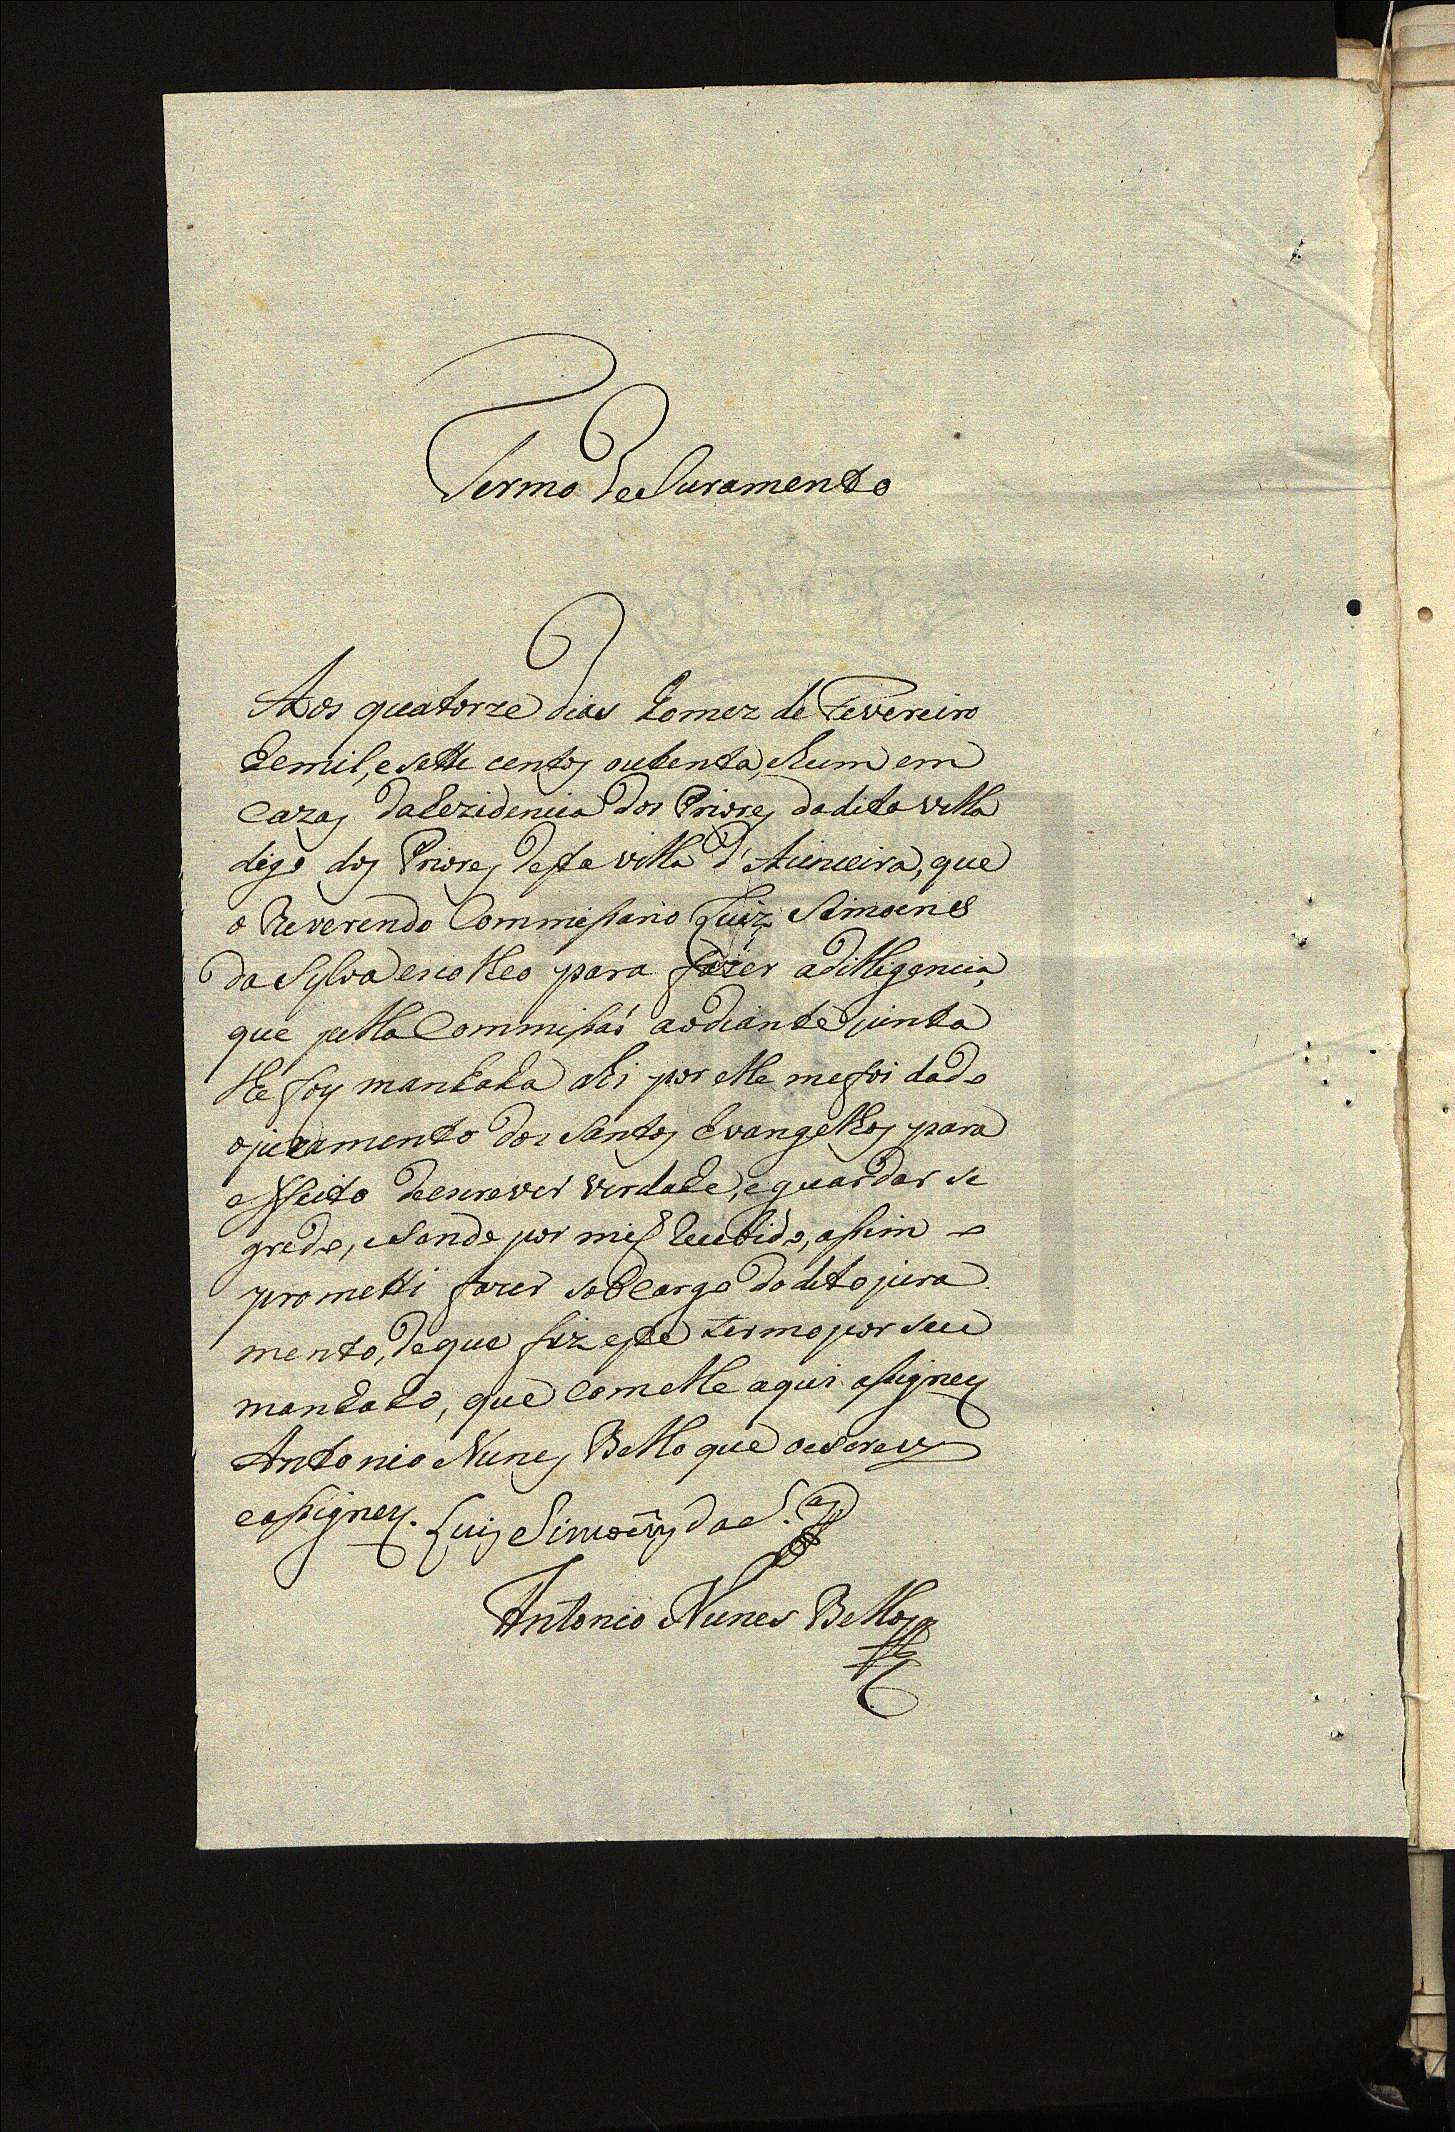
Termo de Iuramento
Aos quatorze dias do mez de Fevereiro
de mil e settecentos outenta, e hum em
cazas da Rezidencia dos Priores da dita villa
digo dos Priores desta villa d'Acinceira, que
o Reverendo Commissario Luiz Simoens
da Sylva escolheo para fazer a dilligencia
que pella Commissaõ aodiante junta
lhe foy mandada ahi por elle me foi dado
o juramento dos Santos Evangelhos para
effeito de escrever verdade, e guardar se
gredo, e sendo por mī Recebido, assim o
prometti fazer sob cargo do dito jura
mento, de que fiz este termo por seu
mandado, que com elle aqui assigney
Antonio Nunes Bello que o escrevj
e assigney Luis Simoens da S.a
Antonio Nunes Bello
